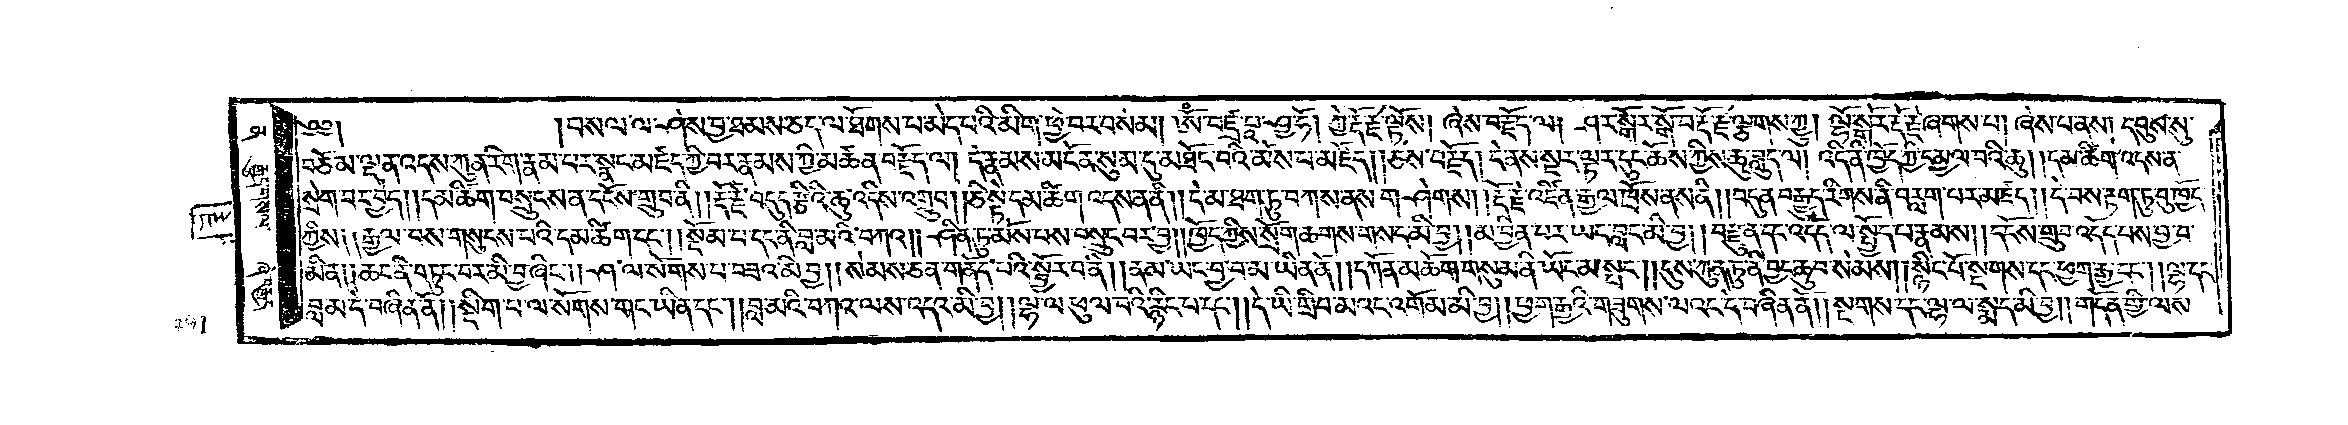༄༅། །བསལ་ལ་ཤེས་བྱ་ཐམས་ཅད་ལ་ཐོགས་པ་མེད་པའི་མིག་ཕྱེ་བར་བསམ། ཨོཾ་བཛྲ་པཱ་ཤྱ་ཧོ། ཀྱེ་རྡོ་རྗེ་ལྟོས། ཞེས་བརྗོད་ལ། ཤར་སྒོར་སྒོ་བ་རྡོ་རྗེ་ལྕགས་ཀྱུ། ལྷོ་སྒོར་རྡོ་རྗེ་ཞགས་པ། ཞེས་པ་ནས། དབུས་སུ་
བཅོམ་ལྡན་འདས་ཀུན་རིག་རྣམ་པར་སྣང་མཛད་ཀྱི་བར་རྣམས་ཀྱི་མཚན་བརྗོད་ལ། དེ་རྣམས་མངོན་སུམ་དུ་མཐོང་བའི་མོས་པ་མཛོད། །ཅེས་བརྗོད། དེ་ནས་སྔར་ལྟར་དུང་ཆོས་ཀྱིས་ཆུ་བླུད་ལ། འདི་ནི་ཁྱོད་ཀྱི་དམྱལ་བའི་ཆུ། །དམ་ཚིག་འདས་ན་
སྲེག་བར་བྱེད། །དམ་ཚིག་བསྲུངས་ན་དངོས་གྲུབ་ནི། །རྡོ་རྗེ་འདུད་རྩིའི་ཆུ་འདིས་འགྲུབ། །ཅི་སྟེ་དམ་ཚིག་འདས་ན་ནི། །དེ་མ་ཐག་ཏུ་བཀས་ནས་གཤེགས། །རྡོ་རྗེ་འཛིན་རྒྱལ་ཁྲོས་ནས་ནི། །བདུན་བརྒྱུད་རིགས་ནི་བརླག་པར་མཛད། །དེ་བས་རྟག་ཏུ་བུ་ཁྱོད་
ཀྱིས༑ ༑རྒྱལ་བས་གསུངས་པའི་དམ་ཚིག་དང་། །སྡོམ་པ་དང་ནི་བླ་མའི་བཀའ། །ཤིན་ཏུ་མོས་པས་བསྲུང་བར་བྱ། །ཁྱོད་ཀྱིས་སྲོག་ཆགས་གསད་མི་བྱ། །མ་བྱིན་པར་ཡང་བླང་མི་བྱ། །བརྫུན་དང་འདོད་ལ་སྤྱོད་པ་རྣམས། །དངོས་གྲུབ་འདོད་པས་བྱ་བ་
མིན༑ ༑ཆང་ནི་བཏུང་བར་མི་བྱ་ཞིང་། །ཤ་ལ་སོགས་པ་བཟའ་མི་བྱ། །སེམས་ཅན་གནོད་པའི་སྦྱོར་བ་ནི། །ནམ་ཡང་བྱ་བ་མ་ཡིན་ནོ། །དཀོན་མཆོག་གསུམ་ནི་ཡོང་མ་སྤང་། །དུས་ཀུན་ཏུ་ནི་བྱང་ཆུབ་སེམས། །སྙིང་པོ་སྔགས་དང་ཕྱག་རྒྱ་དང་། །ལྷ་དང་
བླ་མ་དེ་བཞིན་ནོ། །སྡིག་པ་ལ་སོགས་གང་ཡིན་དང་། །བླ་མའི་བཀའ་ལས་འདའ་མི་བྱ། །ལྷ་ལ་ཕུལ་བའི་རྙིང་པ་དང་། །དེ་ཡི་གྲིབ་མའང་འགོམ་མི་བྱ། །ཕྱག་རྒྱའི་གཟུགས་ལའང་དེ་བཞིན་ནོ། །སྔགས་དང་ལྷ་ལ་སྨད་མི་བྱ། །གདོན་གྱི་ལས་